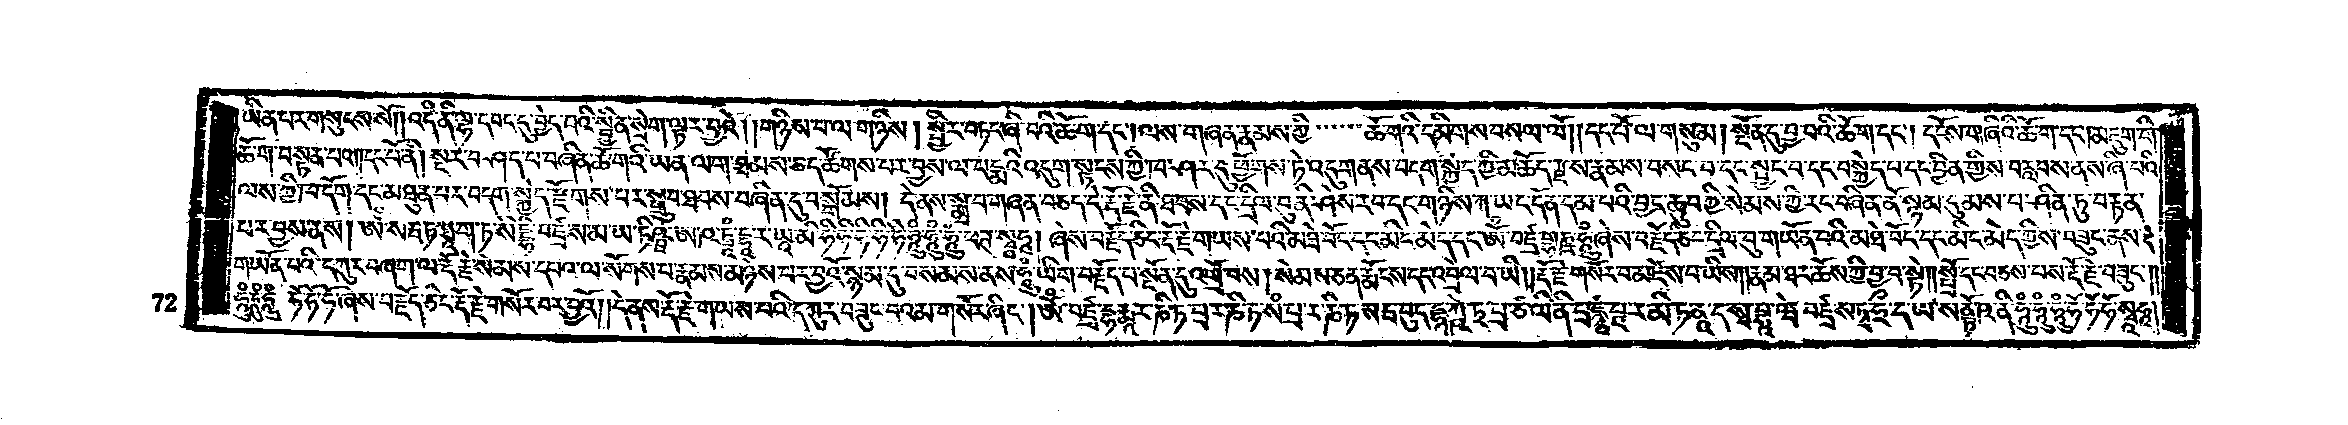ཡིན་པར་གསུངས་སོ། །འདི་ནི་ལྷ་དབང་དུ་བྱེད་པའི་སྦྱིན་སྲེག་ལྟར་བྱའོ། །གཉིས་པ་ལ་གཉིས། སྤྱིར་བཏང་ཞི་བའི་ཆོ་ག་དང་། ལས་གཞན་རྣམས་ཀྱི་ཆོ་གའི་དམིགས་བསལ་ལོ། །དང་པོ་ལ་གསུམ། སྔོན་དུ་བྱ་བའི་ཆོ་ག་དང་། དངོས་གཞིའི་ཆོ་ག་དང་། མཇུག་གི་
ཆོ་ག་བསྟན་པའི། །དང་པོ་ནི། སྔར་བཤད་པ་བཞིན་ཆོ་གའི་ཡན་ལག་ཐམས་ཅད་ཚོགས་པར་བྱས་ལ་པདམའི་འདུག་སྟངས་ཀྱི་ཁ་ཤར་དུ་ཕྱོགས་ཏེ་འདུག་ནས་བདག་སྐྱེད་ཀྱི་མཆོད་རྫས་རྣམས་བསང་བ་དང་སྦྱང་བ་དང་བསྐྱེད་པ་དང་བྱིན་གྱིས་བརླབས་ནས་ཞི་བའི་
ལས་ཀྱི་ཁ་དོག་དང་མཐུན་པར་བདག་སྐྱེད་རྫོགས་པར་སྒྲུབ་ཐབས་བཞིན་དུ་བསྒོམས། དེ་ནས་སྨྲ་བ་གཞན་བཅད་དེ་རྡོ་རྗེ་ནི་ཐབས་དང་དྲིལ་བུ་ནི་ཤེས་རབ་དང་གཉིས་ཀ་ཡང་དོན་དམ་པའི་བྱང་ཆུབ་ཀྱི་སེམས་ཀྱི་རང་བཞིན་ནོ་སྙམ་དུ་མས་པ་ཤིན་ཏུ་བརྟན་
པར་བྱས་ནས། ཨོཾ་སརྦ་ཏ་ཐཱ་ག་ཏ་སིདྡྷི་བཛྲ་ས་མ་ཡ་ཏིཥཊཿཨ་ཨ་ཥ་ཏྭཱཾ་དྷཱ་ར་ཡཱ་མི་ཧི་ཧི་ཧི་ཧི་ཧི་ཧཱུཾ་ཧཱུཾ་ཧཱུཾ་ཕཊ་སྭཱཧཱ། ཞེས་བརྗོད་ཅིང་རྡོ་རྗེ་གཡས་པའི་མཐེ་བོང་དང་མིང་མེད་དང་ཨོཾ་བཛྲ་གྷ་ཎྜ་ཧཱུཾ་ཞེས་བརྗོད་ཅིང་དྲིལ་བུ་གཡོན་པའི་མཐེ་བོང་དང་མིང་མེད་ཀྱིས་བཟུང་ནས་དེ་
གཡོན་པའི་དཀུར་བཞག་ལ་རྡོ་རྗེ་སེམས་དཔའ་ལ་སོགས་པ་རྣམས་མཉེས་པར་བྱའོ་སྙམ་དུ་བསམས་ནས་ཧཱུཾ་ཡིག་བརྗོད་པ་སྔོན་དུ་འགྲོ་བས། སེམས་ཅན་རྨོངས་དང་འབྲེལ་བ་ཡི། །རྡོ་རྗེ་གསོར་བ་མཛེས་པ་ཡིས། །རྣམ་ཐར་ཆོས་ཀྱི་བྱ་བ་སྟེ། །སྤྲོ་དང་བཅས་པས་རྡོ་རྗེ་བཟུང་། །
ཧཱུཾ་ཧཱུཾ་ཧཱུཾ་ཧོ་ཧོ་ཧོ་ཞེས་བརྗོད་ཅིང་རྡོ་རྗེ་གསོར་བར་བྱའོ། །དེ་ནས་རྡོ་རྗེ་གཡས་པའི་དཀུར་བཟུང་བའམ་གསོར་ཞིང་། ཨོཾ་བཛྲ་དྷ་རྨཱ་ར་ཎི་ཏ་པྲ་ར་ཎི་ཏ་སཾ་པྲ་ར་ཎི་ཏ་སརྦ་བུད་དྷཱ་ཀྵེ་ཏྲ་པྲ་ཙ་ལི་ནི་པྲ་ཛྙཱ་པཱ་ར་མི་ཏ་ནཱ་ད་སྭ་བྷཱ་ཝེ་བཛྲ་སཏྭ་ཧྲྀ་ད་ཡ་སནྟོ་ཥ་ནི་ཧཱུཾ་ཧཱུཾ་ཧཱུཾ་ཧོ་ཧོ་ཧོ་སྭཱཧཱ།